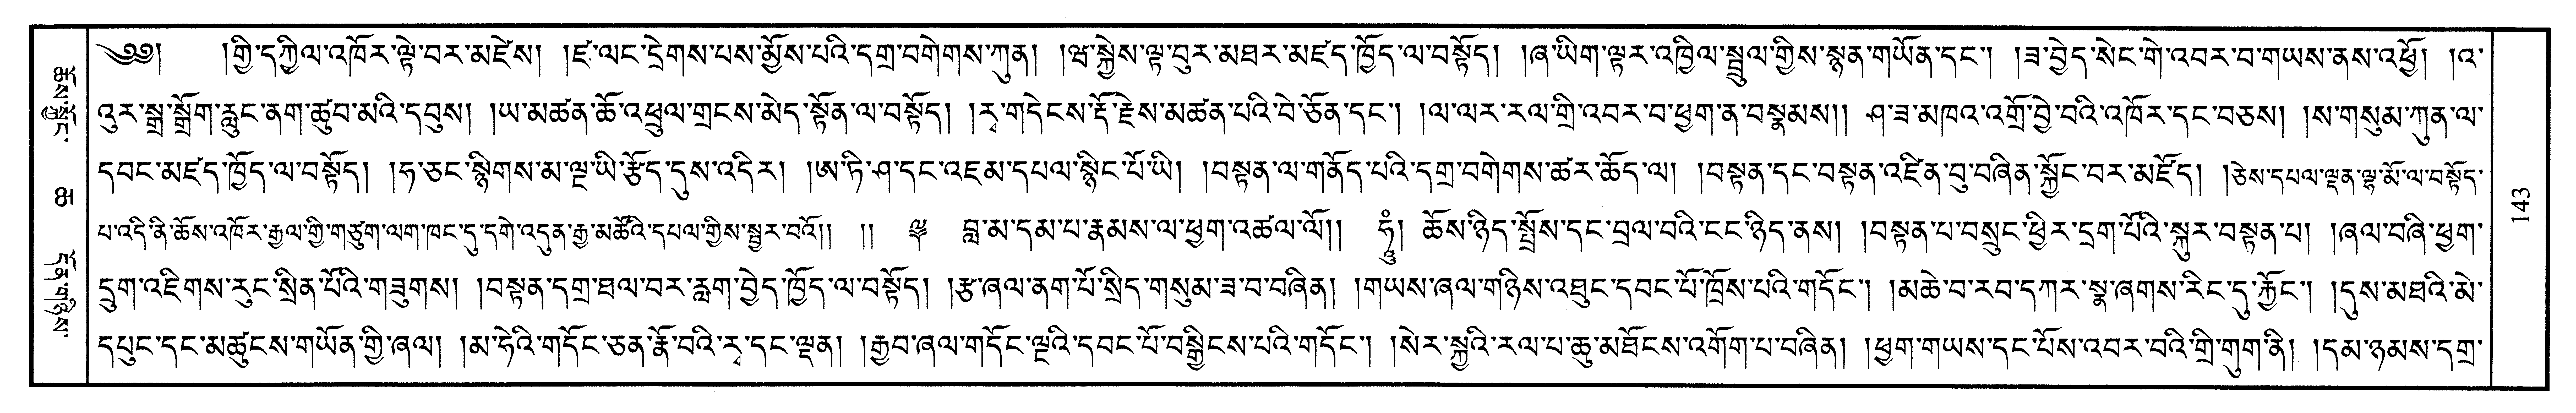༄༅། །གྱི་དཀྱིལ་འཁོར་ལྟེ་བར་མཛེས། །ཛ་ལང་དྲེགས་པས་མྱོས་པའི་དགྲ་བགེགས་ཀུན། །ཝ་སྐྱེས་ལྟ་བུར་མཐར་མཛད་ཁྱོད་ལ་བསྟོད། །ཞ་ཡིག་ལྟར་འཁྱིལ་སྦྲུལ་གྱིས་སྙན་གཡོན་དང་། །ཟ་བྱེད་སེང་གེ་འབར་བ་གཡས་ནས་འཕྱོ། །འ་
འུར་སྒྲ་སྒྲོག་རླུང་ནག་ཚུབ་མའི་དབུས། །ཡ་མཚན་ཆོ་འཕྲུལ་གྲངས་མེད་སྟོན་ལ་བསྟོད། །རྭ་གདེངས་རྡོ་རྗེས་མཚན་པའི་བེ་ཅོན་དང་། །ལ་ལར་རལ་གྲི་འབར་བ་ཕྱག་ན་བསྣམས། །ཤ་ཟ་མཁའ་འགྲོ་བྱེ་བའི་འཁོར་དང་བཅས། །ས་གསུམ་ཀུན་ལ་
དབང་མཛད་ཁྱོད་ལ་བསྟོད། །ཧ་ཅང་སྙིགས་མ་ལྔ་ཡི་རྩོད་དུས་འདིར། །ཨ་ཏི་ཤ་དང་འཇམ་དཔལ་སྙིང་པོ་ཡི། །བསྟན་ལ་གནོད་པའི་དགྲ་བགེགས་ཚར་ཆོད་ལ། །བསྟན་དང་བསྟན་འཛིན་བུ་བཞིན་སྐྱོང་བར་མཛོད། །ཅེས་དཔལ་ལྡན་ལྷ་མོ་ལ་བསྟོད་
པ་འདི་ནི་ཆོས་འཁོར་རྒྱལ་གྱི་གཙུག་ལག་ཁང་དུ་དགེ་འདུན་རྒྱ་མཚོའི་དཔལ་གྱིས་སྦྱར་བའོ།། །། ༈ བླ་མ་དམ་པ་རྣམས་ལ་ཕྱག་འཚལ་ལོ།། ཧཱུཾ། ཆོས་ཉིད་སྤྲོས་དང་བྲལ་བའི་ངང་ཉིད་ནས། །བསྟན་པ་བསྲུང་ཕྱིར་དྲག་པོའི་སྐུར་བསྟན་པ། །ཞལ་བཞི་ཕྱག་
དྲུག་འཇིགས་རུང་སྲིན་པོའི་གཟུགས། །བསྟན་དགྲ་ཐལ་བར་རླག་བྱེད་ཁྱོད་ལ་བསྟོད། །རྩ་ཞལ་ནག་པོ་སྲིད་གསུམ་ཟ་བ་བཞིན། །གཡས་ཞལ་གཉིས་འཐུང་དབང་པོ་ཁྲོས་པའི་གདོང་། །མཆེ་བ་རབ་དཀར་སྣ་ཞགས་རིང་དུ་རྐྱོང་། །དུས་མཐའི་མེ་
དཔུང་དང་མཚུངས་གཡོན་གྱི་ཞལ། །མ་ཧེའི་གདོང་ཅན་རྣོ་བའི་རྭ་དང་ལྡན། །རྒྱབ་ཞལ་གདོང་ལྔའི་དབང་པོ་བསྒྱིངས་པའི་གདོང་། །སེར་སྐྱའི་རལ་པ་ཆུ་མཐོངས་འགོག་པ་བཞིན། །ཕྱག་གཡས་དང་པོས་འབར་བའི་གྲི་གུག་ནི། །དམ་ཉམས་དགྲ་